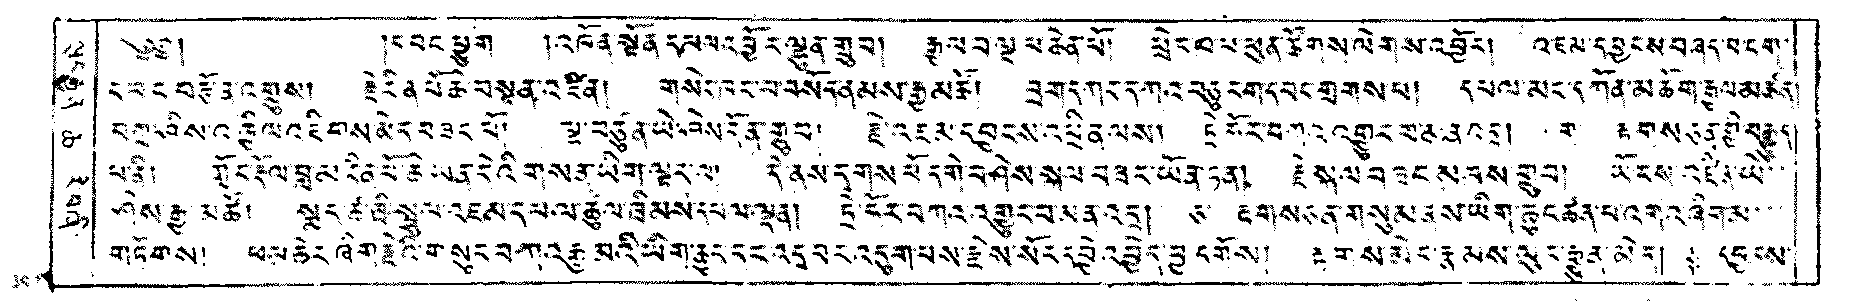༄༅། །དབང་ཕྱུག །འཁོན་སྟོན་དཔལ་འབྱོར་ལྷུན་གྲུབ། རྒྱལ་བ་ལྔ་པ་ཆེན་པོ། ཕྲེང་ཁ་པ་ཕུན་ཚོགས་ལེགས་འབྱོར། འཇམ་དབྱངས་བཞད་པ་ངག་
དབང་བརྩོན་འགྲུས། རྗེ་རིན་པོ་ཆེ་བསྟན་འཛིན། གསེར་ཁང་པ་བསོད་ནམས་རྒྱ་མཚོ། བྲག་དཀར་དཀའ་བཅུ་ངག་དབང་གྲགས་པ། དཔལ་མང་དཀོན་མཆོག་རྒྱལ་མཚན།
བཀྲ་ཤིས་འཁྱིལ་འཇིགས་མེད་བཟང་པོ། ལྷ་བཙུན་ཡེ་ཤེས་དོན་གྲུབ། རྗེ་འཇམ་དབྱངས་འཕྲིན་ལས། ཏྲེ་ཧོར་བཀའ་འགྱུར་བ་མན་འདྲ། ག་རྟགས་ཅན་གྱི་བརྒྱུད་
པ་ནི། ཀློང་རྡོལ་བླ་མ་རིན་པོ་ཆེ་ཡན་དེའི་གསན་ཡིག་ལྟར་ལ། དེ་ནས་དྲགས་པོ་དགེ་བཤེས་སྐལ་བཟང་ཡོན་ཏན། རྗེ་སྐལ་བཟང་མཁས་གྲུབ། ཡོངས་འཛིན་ཡེ་
ཤེས་རྒྱ་མཚོ། སྨད་ཚ་ཁྲི་སྤྲུལ་འཇམ་དཔལ་ཚུལ་ཁྲིམས་དཔལ་ལྡན། ཏྲེ་ཧོར་བཀའ་འགྱུར་བ་མན་འདྲ། ཅ་རྟགས་ཅན་གསུམ་ནས་ཡིག་ཆུང་ཚན་པ་འགའ་ཞིག་མ་
གཏོགས། ཕལ་ཆེར་ཞིག་རྗེའི་གསུང་བཀའ་རྒྱ་མའི་ཡིག་ཆུང་དང་འདྲ་བར་འདུག་པས་རྗེས་སོར་དབྱེ་འབྱེད་བྱ་དགོས། རྟགས་མེད་རྣམས་ལུང་རྒྱུན་མེད། ༈ དབྱངས་